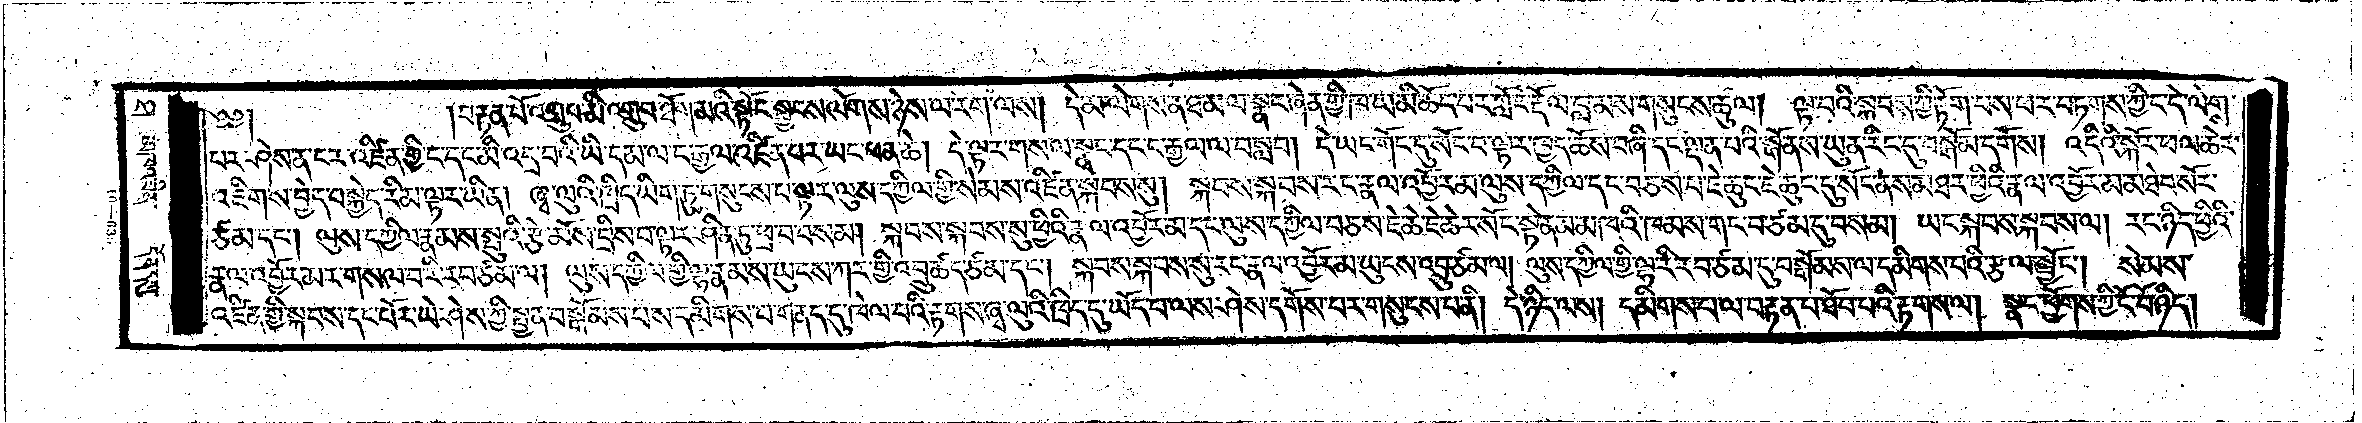༄༅། །བརྟན་པོ་འགྲུབ་མི་འགྲུབ་ཐོག་མའི་སྟོང་སྦྱངས་ལེགས་ཉེས་ལ་རག་ལས། དེ་མ་ལེགས་ན་ཐ་མལ་སྣང་ཞེན་གྱི་ཁ་ཡ་མི་ཆོད་བར་ཀློང་རྡོལ་བླ་མས་གསུངས་ཚུལ། ལྟ་བའི་སྐབས་ཀྱི་རྟོག་པས་ཕར་བཏགས་ཀྱི་ང་དེ་ལེགས་
པར་ཤེས་ན་ངར་འཛིན་གྱི་ང་དང་མི་འདྲ་བའི་ཡི་དམ་ལ་ང་རྒྱལ་འཛིན་པར་ཡང་ཕན་ཆེ། དེ་ལྟར་གསལ་སྣང་དང་ང་རྒྱལ་ལ་བསླབ། དེ་ཡང་གོང་དུ་སོང་བ་ལྟར་ཁྱད་ཆོས་བཞི་དང་ལྡན་པའི་སྒོ་ནས་ཡུན་རིང་དུ་བསྒོམ་དགོས། འདིའི་སྐོར་ཕལ་ཆེར་
འཇིགས་བྱེད་བསྐྱེད་རིམ་ལྟར་ཡིན། ཞྭ་ལུའི་ཁྲིད་ཡིག་ཏུ་གསུངས་པ་ལྟར་ལུས་དཀྱིལ་གྱི་སེམས་འཛིན་སྐབས་སུ། སྐབས་སྐབས་རང་རྣལ་འབྱོར་མ་ལུས་དཀྱིལ་དང་བཅས་བ་ཇེ་ཆུང་ཇེ་ཆུང་དུ་སོང་ནས་མཐར་ཕྱིའི་རྣལ་འབྱོར་མ་མཐེབ་སོར་
ཙམ་དང་། ལུས་དཀྱིལ་རྣམས་སྤུའི་རྩེ་མོས་བྲིས་པ་ལྟར་ཤིན་ཏུ་ཕྲ་བ་བསམ། སྐབས་སྐབས་སུ་ཕྱིའི་རྣལ་འབྱོར་མ་དང་ལུས་དཀྱིལ་བཅས་ཇེ་ཆེ་ཇེ་ཆེར་སོང་སྟེ་ནམ་མཁའི་ཁམས་གང་བ་ཙམ་དུ་བསམ། ཡང་སྐབས་སྐབས་ལ། རང་ཉིད་ཕྱིའི་
རྣལ་འབྱོར་མར་གསལ་བ་རི་རབ་ཙམ་ལ། ལུས་དཀྱིལ་གྱི་ལྷ་རྣམས་ཡུངས་ཀར་གྱི་འབྲུ་ཚད་ཙམ་དང་། སྐབས་སྐབས་སུ་རང་རྣལ་འབྱོར་མ་ཡུངས་འབྲུ་ཙམ་ལ། ལུས་དཀྱིལ་གྱི་ལྷ་རི་རབ་ཙམ་དུ་བསྒོམས་ལ་དམིགས་པའི་རྩལ་སྦྱོང་། སེམས་
འཛིན་གྱི་སྐབས་དང་པོར་ཡེ་ཤེས་ཀྱི་སྤྱན་བསྒོམས་པས་དམིགས་པ་གནད་དུ་ཁེལ་བའི་རྟགས་ཞྭ་ལུའི་ཁྲིད་དུ་ཡོད་པ་ལས་ཤེས་དགོས་པར་གསུངས་པ་ནི། དེ་ཉིད་ལས། དམིགས་པ་ལ་བརྟན་པ་ཐོབ་པའི་རྟགས་ལ། སྣང་ཕྱོགས་ཀྱི་ངོ་བོ་ཉིད།